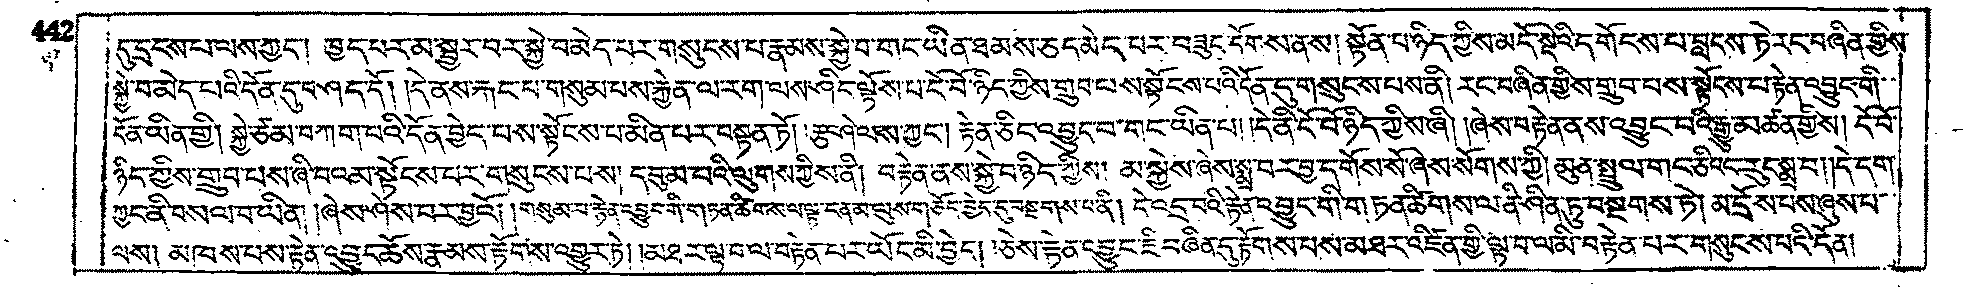དུ་དྲངས་པ་ལས་ཀྱང་། ཁྱད་པར་མ་སྦྱར་བར་སྐྱེ་བ་མེད་པར་གསུངས་པ་རྣམས་སྐྱེ་བ་གང་ཡིན་ཐམས་ཅད་མེད་པར་བཟུང་དོགས་ནས། སྟོན་པ་ཉིད་ཀྱིས་མདོ་སྡེའི་དགོངས་པ་བླངས་ཏེ་རང་བཞིན་གྱིས་
སྐྱེ་བ་མེད་པའི་དོན་དུ་བཤད་དོ། །དེ་ནས་རྐང་པ་གསུམ་པས་རྐྱེན་ལ་རག་ལས་ཤིང་ལྟོས་པ་ངོ་བོ་ཉིད་ཀྱིས་གྲུབ་པས་སྟོངས་པའི་དོན་དུ་གསུངས་པས་ནི། རང་བཞིན་གྱིས་གྲུབ་པས་སྟོངས་པ་རྟེན་འབྱུང་གི་
དོན་ཡིན་གྱི། སྐྱེ་ཙམ་བཀག་པའི་དོན་བྱེད་པས་སྟོངས་པ་མིན་པར་བསྟན་ཏོ། །རྩ་ཤེ་ལས་ཀྱང་། རྟེན་ཅིང་འབྱུང་བ་གང་ཡིན་པ། །དེ་ནི་ངོ་བོ་ཉིད་ཀྱིས་ཞི། །ཞེས་བརྟེན་ནས་འབྱུང་བའི་རྒྱུ་མཚན་གྱིས། ངོ་བོ་
ཉིད་ཀྱིས་གྲུབ་པས་ཞི་བའམ་སྟོངས་པར་གསུངས་པས། དབུ་མ་པའི་ལུགས་ཀྱིས་ནི། བརྟེན་ནས་སྐྱེ་བ་ཉིད་ཀྱིས། མ་སྐྱེས་ཞེས་སྨྲ་བར་བྱ་དགོས་སོ་ཞེས་སོགས་ཀྱི། མུན་སྤྲུལ་གང་ཅིའང་རུང་སྨྲ་བ། །དེ་དག་
ཀྱང་ནི་བསལ་བ་ཡིན། །ཞེས་ཤེས་པར་བྱའོ། །གསུམ་པ་རྟེན་འབྱུང་གི་གཏན་ཚིགས་ལ་ལྟ་ངན་མ་ལུས་གཅོད་བྱེད་དུ་བསྔགས་པ་ནི།  དེ་འདྲ་བའི་རྟེན་འབྱུང་གི་གཏན་ཚིགས་ལ་ནི་ཤིན་ཏུ་བསྔགས་ཏེ། མ་དྲོས་པས་ཞུས་པ་
ལས། མཁས་པས་རྟེན་འབྱུང་ཆོས་རྣམས་རྟོགས་འགྱུར་ཏེ། །མཐར་ལྟ་བ་ལ་བརྟེན་པར་ཡོང་མི་བྱེད། །ཅེས་རྟེན་འབྱུང་ཇི་བཞིན་དུ་རྟོགས་པས་མཐར་འཛིན་གྱི་ལྟ་བ་ལ་མི་བརྟེན་པར་གསུངས་པའི་དོན།